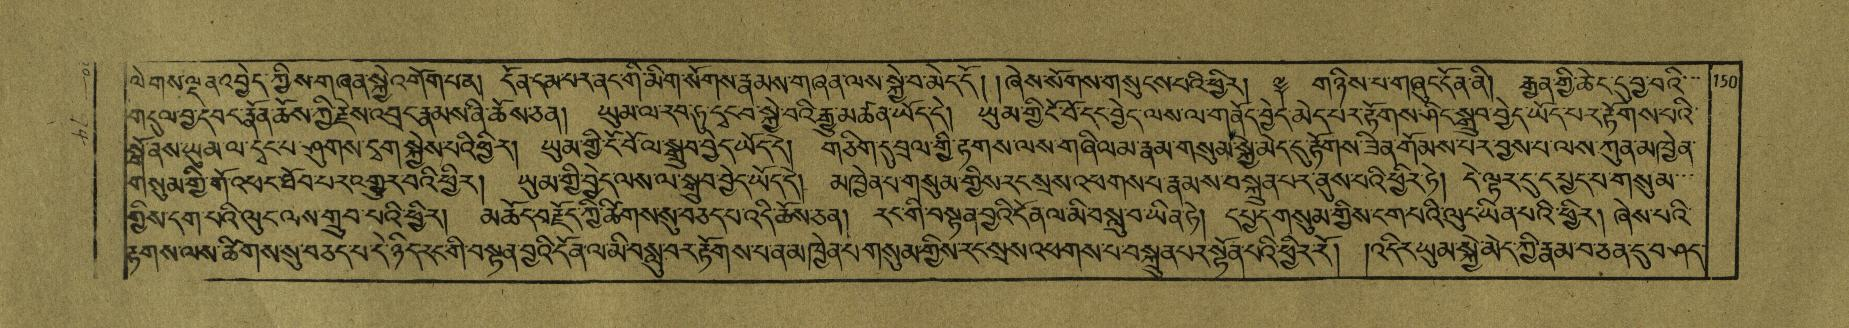ལེགས་ལྡན་འབྱེད་ཀྱིས་གཞན་སྐྱེ་འགོག་པ་ན། དོན་དམ་པར་ནང་གི་མིག་སོགས་རྣམས་གཞན་ལས་སྐྱེ་བ་མེད་དོ། །ཞེས་སོགས་གསུངས་པའི་ཕྱིར། ༈ གཉིས་པ་གཞུང་དོན་ནི། རྒྱན་གྱི་ཆེད་དུ་བྱ་བའི་
གདུལ་བྱ་དབང་རྣོན་ཆོས་ཀྱི་རྗེས་འབྲང་རྣམས་ནི་ཆོས་ཅན། ཡུམ་ལ་རབ་ཏུ་དྭང་བ་སྐྱེ་བའི་རྒྱུ་མཚན་ཡོད་དེ། ཡུམ་གྱི་ངོ་བོ་དང་བྱེད་ལས་ལ་གནོད་བྱེད་མེད་པར་རྟོགས་ཤིང་སྒྲུབ་བྱེད་ཡོད་པར་རྟོགས་པའི་
སྒོ་ནས་ཡུམ་ལ་དྭང་པ་ཤུགས་དྭག་སྐྱེས་པའི་ཕྱིར། ཡུམ་གྱི་ངོ་བོ་ལ་སྒྲུབ་བྱེད་ཡོད་དེ། གཅིག་དུ་བྲལ་གྱི་རྟགས་ལས་གཞི་ལམ་རྣམ་གསུམ་སྐྱེ་མེད་དུ་རྟོགས་ཟིན་གོམས་པར་བྱས་པ་ལས་ཀུན་མཁྱེན་
གསུམ་གྱི་གོ་འཕང་ཐོབ་པར་འགྱུར་བའི་ཕྱིར། ཡུམ་གྱི་བྱེད་ལས་ལ་སྒྲུབ་བྱེད་ཡོད་དེ། མཁྱེན་པ་གསུམ་གྱིས་རང་སྲས་འཕགས་པ་རྣམས་བསྐྲུན་པར་ནུས་པའི་ཕྱིར་ཏེ། དེ་ལྟར་དུ་དཔྱད་པ་གསུམ་
གྱིས་དག་པའི་ལུང་ལས་གྲུབ་པའི་ཕྱིར། མཆོད་བརྗོད་ཀྱི་ཚིགས་སུ་བཅད་པ་འདི་ཆོས་ཅན། རང་གི་བསྟན་བྱའི་དོན་ལ་མི་བསླུ་བ་ཡིན་ཏེ། དཔྱད་གསུམ་གྱིས་དག་པའི་ལུང་ཡིན་པའི་ཕྱིར། ཞེས་པའི་
རྟགས་ལས་ཚིགས་སུ་བཅད་པ་དེ་ཉིད་རང་གི་བསྟན་བྱའི་དོན་ལ་མི་བསླུ་བར་རྟོགས་པ་ན་མཁྱེན་པ་གསུམ་གྱིས་རང་སྲས་འཕགས་པ་བསྐྲུན་པར་སྟོན་པའི་ཕྱིར་རོ། །འདིར་ཡུམ་སྐྱེ་མེད་ཀྱི་རྣམ་བ་ཅན་དུ་བཤད་